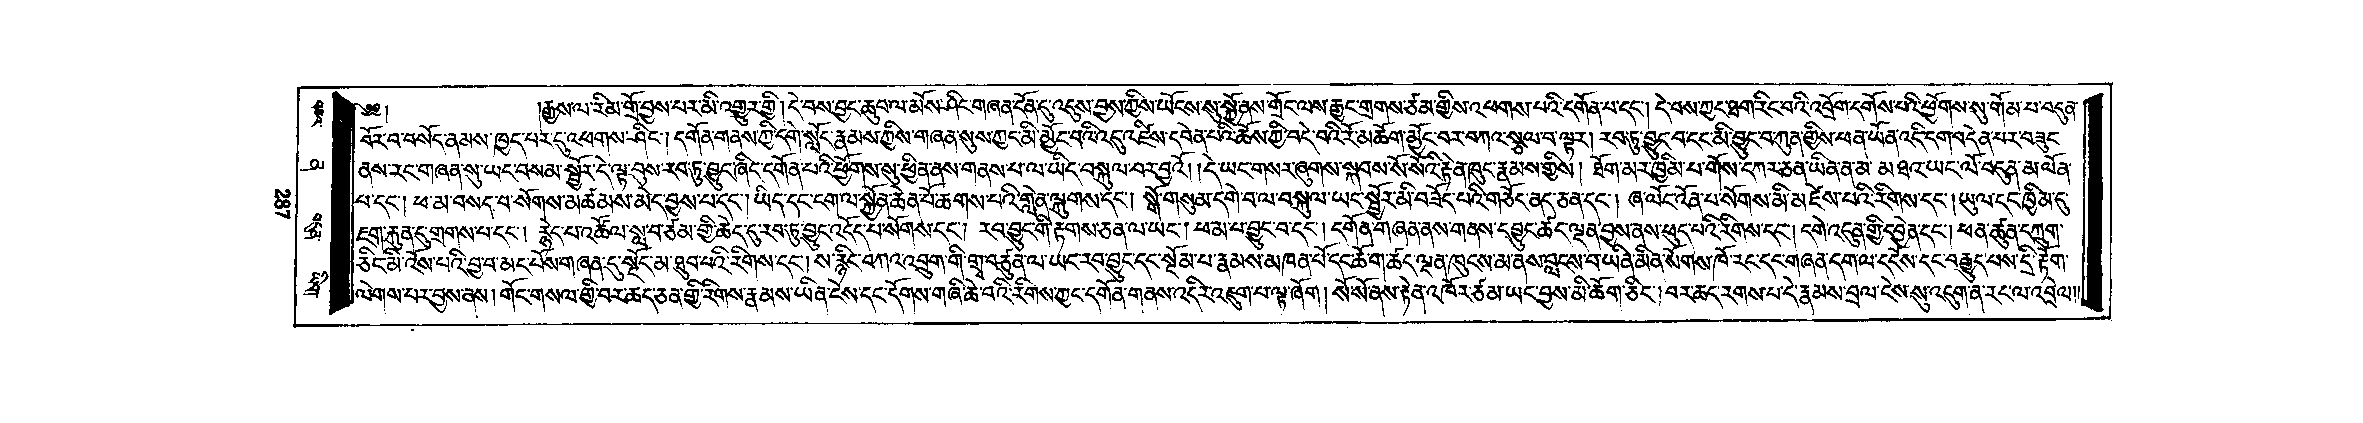༄༅། །རྒྱས་ལ་རིམ་གྲོ་བྱས་པར་མི་འགྱུར་གྱི། དེ་བས་བྱང་ཆུབ་ལ་མོས་ཤིང་གཞན་དོན་དུ་འདུས་བྱས་ཀྱིས་ཡོངས་སུ་སྐྱོ་ནས་གྲོང་ལས་རྒྱང་གྲགས་ཙམ་གྱིས་འཕགས་པའི་དགོན་པ་དང་། དེ་བས་ཀྱང་ཐག་རིང་བའི་འབྲོག་དགོས་པའི་ཕྱོགས་སུ་གོམ་པ་བདུན་
བོར་བ་བསོད་ནམས་ཁྱད་པར་དུ་འཕགས་ཤིང་། དགོན་གནས་ཀྱི་དགེ་སློང་རྣམས་ཀྱིས་གཞན་སུས་ཀྱང་མི་མྱོང་བའི་འདུ་འཛིས་དབེན་པའི་ཆོས་ཀྱི་བདེ་བའི་རོ་མཆོག་མྱོང་བར་བཀའ་སྩལ་བ་ལྟར། རབ་ཏུ་བྱུང་བ་དང་མི་བྱུང་བ་ཀུན་གྱིས་ཕན་ཡོན་འདི་དག་བདེན་པར་བཟུང་
ནས་རང་གཞན་སུ་ཡང་བསམ་སྦྱོར་དེ་ལྟ་བུས་རབ་ཏུ་བྱུང་ཞིང་དགོན་པའི་ཕྱོགས་སུ་ཕྱིན་ནས་གནས་པ་ལ་ཡིད་བསྐུལ་བར་བྱའོ། །དེ་ཡང་གསར་ཞུགས་སྐབས་སོ་སོའི་རྟེན་ཁུང་རྣམས་གྱིས། ཐོག་མར་ཁྱིམ་པ་གོས་དཀར་ཅན་ཡིན་ན་མ་མཐའ་ཡང་ལོ་བདུན་མ་ལོན་
པ་དང་། ཕ་མ་བསད་པ་སོགས་མཚམས་མེད་བྱས་པ་དང་། ཡིད་དང་ངག་ལ་སྐྱོན་ཆེན་པོ་ཆགས་པའི་གླེན་ལྐུགས་དང་། སྒོ་གསུམ་དགེ་བ་ལ་བསྐུལ་ཡང་སྦྱོར་མི་བཟོད་པའི་གཅོད་ནད་ཅན་དང་། ཞ་ལོང་འོན་པ་སོགས་མི་མཛེས་པའི་རིགས་དང་། ཡུལ་དང་ཁྱིམ་དུ་
ཇག་རྐུན་དུ་གྲགས་པ་དང་། རྙེད་པ་འཚོལ་སླ་བ་ཙམ་གྱི་ཆེད་དུ་རབ་ཏུ་བྱུང་འདོད་པ་སོགས་དང་། རབ་བྱུང་གི་རྟགས་ཅན་ལ་ཡང་། ཕམ་པ་བྱུང་བ་དང་། དགོན་གཞན་ནས་གནས་དབྱུང་ཚད་ལྡན་བྱས་ནས་ཕུད་པའི་རིགས་དང་། དགེ་འདུན་གྱི་དབྱེན་དང་། ཕན་ཚུན་དཀྲུག་
ཅིང་མི་འོས་པའི་བྱ་བ་མང་པོས་གཞན་དུ་སྡོད་མ་ཐུབ་པའི་རིགས་དང་། ས་རྙིང་བཀའ་འབྲུག་གི་གྲྭ་བཙུན་ལ་ཡང་རབ་བྱུང་དང་སྡོམ་པ་རྣམས་མཁན་པོ་དང་ཆོ་ག་ཚད་ལྡན་ཁུངས་མ་ནས་བླངས་པ་ཡིན་མིན་སོགས་ཁོ་རང་དང་གཞན་དག་ལ་དངོས་དང་བརྒྱུད་པས་དྲི་རྟོག་
ལེགས་པར་བྱས་ནས། གོང་གསལ་གྱི་བར་ཆད་ཅན་གྱི་རིགས་རྣམས་ཡིན་ངེས་དང་དོགས་གཞི་ཆེ་བའི་རིགས་ཀྱང་དགོན་གནས་འདིར་འཇུག་པ་ལྟ་ཞོག །སོ་སོ་ནས་རྟེན་འཁོར་ཙམ་ཡང་བྱས་མི་ཆོག་ཅིང་། བར་ཆད་རགས་པ་དེ་རྣམས་བྲལ་ངེས་སུ་འདུག་ན་རང་ལ་འབྲེལ། །